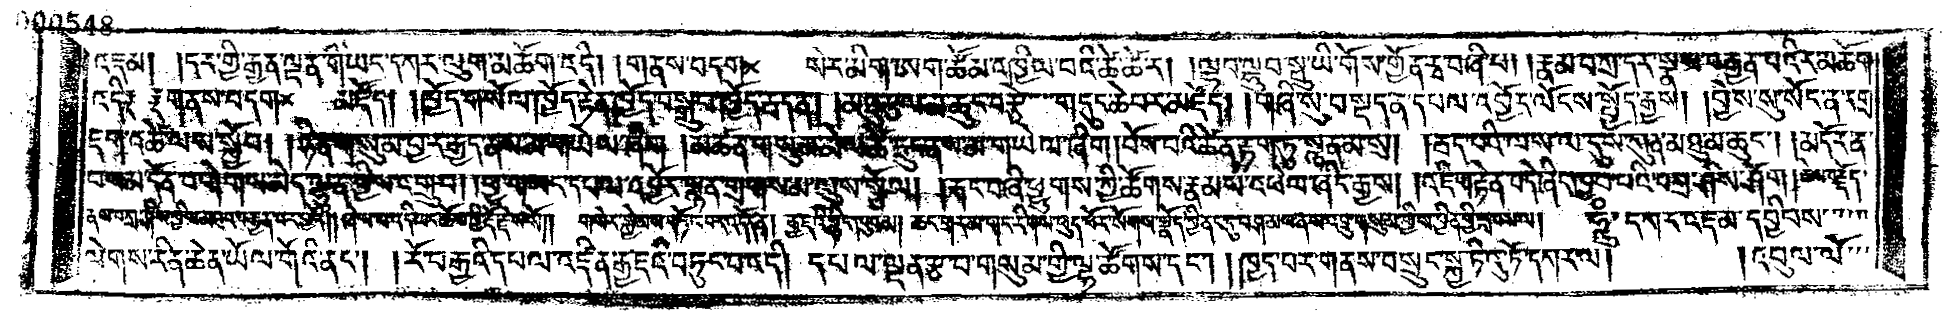འཇམ། །དར་གྱི་རྒྱན་ལྡན་གཡང་དཀར་ལུག་མཆོག་འདི། །གནས་བདག྾་སེར་མིག་ཨག་ཚོམ་འཁྱིལ་བའི་ཚེ་ཚེ་ར། །ལྷབ་ལྷུབ་སྤུ་ཡི་གོས་གྱོན་རྭ་བཞི་པ། །རྣམ་བཀྲ་དར་སྣས་བརྒྱན་པའི་ར་མཆོག་
འདི༑ ༑གནས་བདག྾་མཛོད། །ཁྱོད་གསོལ་ཁྱོད་རྟེན་ཁྱོད་བསྒྲུབ་ཁྱོད་རྦད་ན། །མཐུ་རྩལ་མ་ཆུང་བརྩེ་གདུང་ཆེ་བར་མཛོད། །གཞི་སུ་བསྡད་ན་དཔལ་འབྱོར་ལོངས་སྤྱོད་རྒྱས། །བྱེས་སུ་སོང་ན་དགྲ་
ཇག་འཚེ་ལས་སྐྱོབ། །ཉིན་གསུམ་བྱ་ར་རྒྱད་ནས་མ་གཡེལ་ཞིག །མཚན་གསུམ་མེལ་ཚེ་དྲུང་ནས་མ་གཡེལ་ཞིག །པོས་པའི་ཚེ་ན་རྟག་ཏུ་སྙན་མ་སྲ། །རྦད་པའི་ལས་ལ་དུས་ཀུན་མཐུ་མ་ཆུང་། །མདོར་ན་
བསམ་དོན་བགེགས་མེད་ལྷུན་གྱིས་འགྲུབ། །ཕྱུ་གཡང་དཔལ་འབྱོར་སྙན་གྲགས་མ་ལུས་སྩོལ། །རྐང་བཞི་ཕྱུགས་ཀྱི་ཚོགས་རྣམས་འཕེལ་ཞིང་རྒྱས། །འཇིག་རྟེན་བདེ་ཞིང་ཁྱབ་པའི་བཀྲ་ཤིས་ཤོག །ཅེས་བརྗོད་
ནས་བཀྲ་ཤིས་ཀྱིས་མཐའ་བརྒྱན་པར་བྱའོ། །ཞེས་པ་འདི་ཡང་ཆོས་ཀྱི་རྡོ་རྗེས་སོ། །གསེར་སྐྱེམས་གཏོང་བར་འདོད་ན། རྒྱ་ཇའི་སྙིང་ཁུའམ། ཆང་ཀར་མ་གང་རིགས་ཕུད་ཕོར་སོགས་སྣོད་ཀྱི་ནང་དུ་བཤམས་ནས་འབྲུ་གསུམ་གྱིས་བྱིན་གྱི་རླབས་ལ། ཧཱུཾ་དཀར་འཇམ་དབྱིབས་
ལེགས་རིན་ཆེན་ཡོལ་གོའི་ནང་། །རོ་བརྒྱའི་དཔལ་འཛིན་རྒྱ་ཇའི་བཏུང་བ་འདི། དཔལ་ལྡན་རྩ་བ་གསུམ་གྱི་ལྷ་ཚོགས་དང་། །ཁྱད་པར་གནས་བསྲུང་སྐྱ་ཏིའུ་ཏོ་དཀར་ལ། །འབུལ་ལོ་